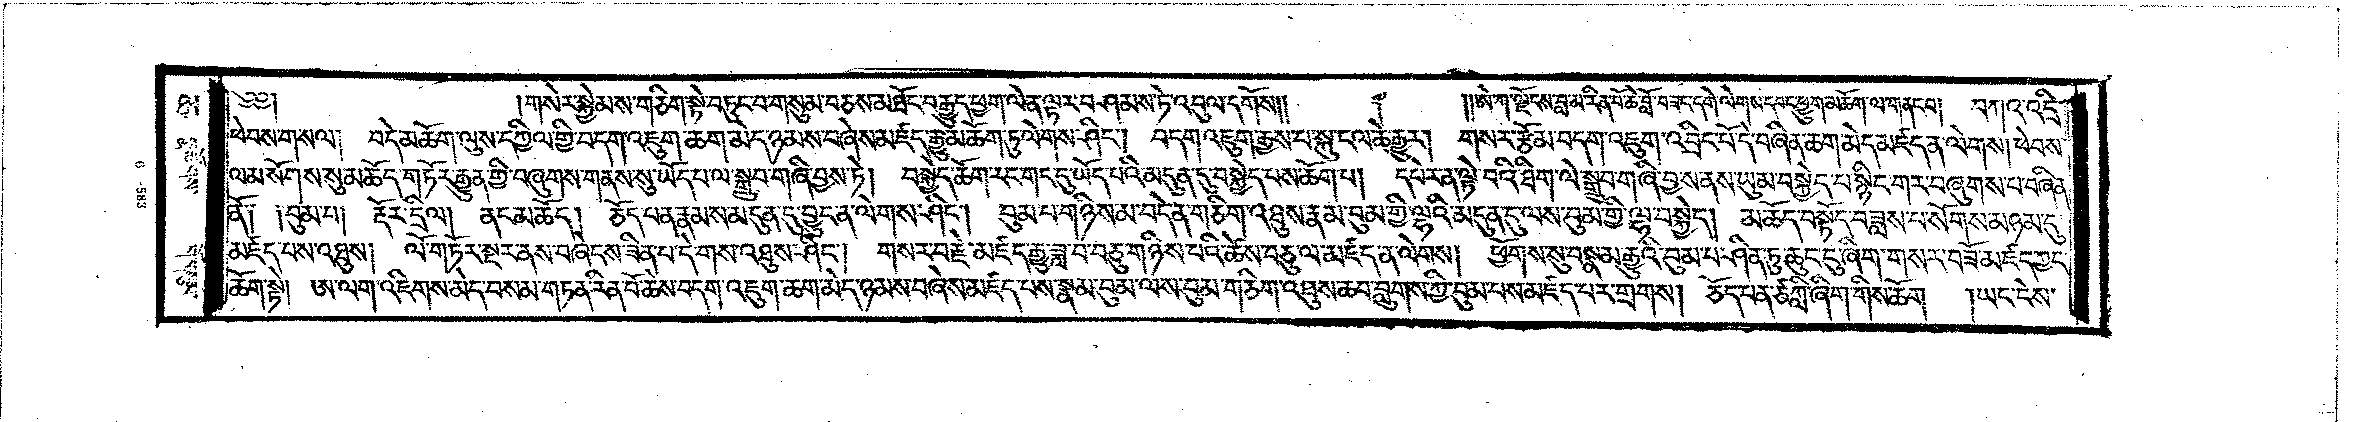༄༅། །གསེར་སྐྱེམས་གཅིག་སྟེ་བཏུང་བ་གསུམ་བཅས་མཐོང་བརྒྱུད་ཕྱག་ལེན་ལྟར་བཤམས་ཏེ་འབུལ་དགོས།། ༈ །།ཨེ་ཀ་ལྗོངས་བླ་མ་རིན་པོ་ཆེ་བློ་བཟང་དགེ་ལེགས་དབང་ཕྱུག་མཆོག་ལ་གནང་བ།  བཀའ་འདྲི་
ཕེབས་གསལ། བདེ་མཆོག་ལུས་དཀྱིལ་གྱི་བདག་འཇུག་ཆག་མེད་ཉམས་བཞེས་མཛད་རྒྱུ་མཆོག་ཏུ་ལེགས་ཤིང་། བདག་འཇུག་རྒྱས་པ་སྐུ་ངལ་ཆེ་རྒྱུར། གསར་རྩོམ་བདག་འཇུག་འབྲིང་པོ་དེ་བཞིན་ཆག་མེད་མཛད་ན་ལེགས། ཕེབས་
ལམ་སོགས་སུ་མཆོད་གཏོར་རྒྱུན་གྱི་བཞུགས་གནས་སུ་ཡོད་པ་ལ་སྒྲུབ་གཞི་བྱས་ཏེ། བསྐྱེད་ཆོག་རང་གང་དུ་ཡོད་པའི་མདུན་དུ་བསྐྱེད་པས་ཆོག་པ། དཔེར་ན་ལྟེ་བའི་ཐིག་ལེ་སྒྲུབ་གཞི་བྱས་ནས་ཡུམ་བསྐྱེད་པ་སྙིང་གར་བཞུགས་པ་བཞིན་
ནོ༑ ༑བུམ་པ། རྡོར་དྲིལ། ནང་མཆོད། ཅོད་པན་རྣམས་མདུན་དུ་བྱུང་ན་ལེགས་ཤིང་། བུམ་པ་གཉིས་མ་བདེན་གཅིག་འཐུས་རྣམ་བུམ་གྱི་ལྷའི་མདུན་དུ་ལས་བུམ་གྱི་ལྷ་བསྐྱེད། མཆོད་བསྟོད་བཟླས་པ་སོགས་མཉམ་དུ་
མཛད་པས་འཐུས། ལོ་གཏོར་སྔར་ནས་བཞེངས་ཟིན་པ་དེ་གས་འཐུས་ཤིང་། གསར་བརྗེ་མཛད་རྒྱུ་ཟླ་བ་བཅུ་གཉིས་པའི་ཚེས་བཅུ་ལ་མཛད་ན་ལེགས། ཕྱོགས་སུ་བསྣམ་རྒྱུའི་བུམ་པ་ཤིན་ཏུ་ཆུང་ངུ་ཞིག་གསར་བཟོ་མཛད་ཀྱང་
ཆོག་སྟེ། ཨ་ལག་འཇིགས་མེད་བསམ་གཏན་རིན་བོ་ཆེས་བདག་འཇུག་ཆག་མེད་ཉམས་བཞེས་མཛད་པས་སྣམ་བུམ་ལས་བུམ་གཅིག་འཐུས་ཆབ་བླུགས་ཀྱི་བུམ་པས་མཛད་པར་གྲགས། ཅོད་པན་ཙཀླི་ཞིག་གིས་ཆོག །ཡང་ངེས་